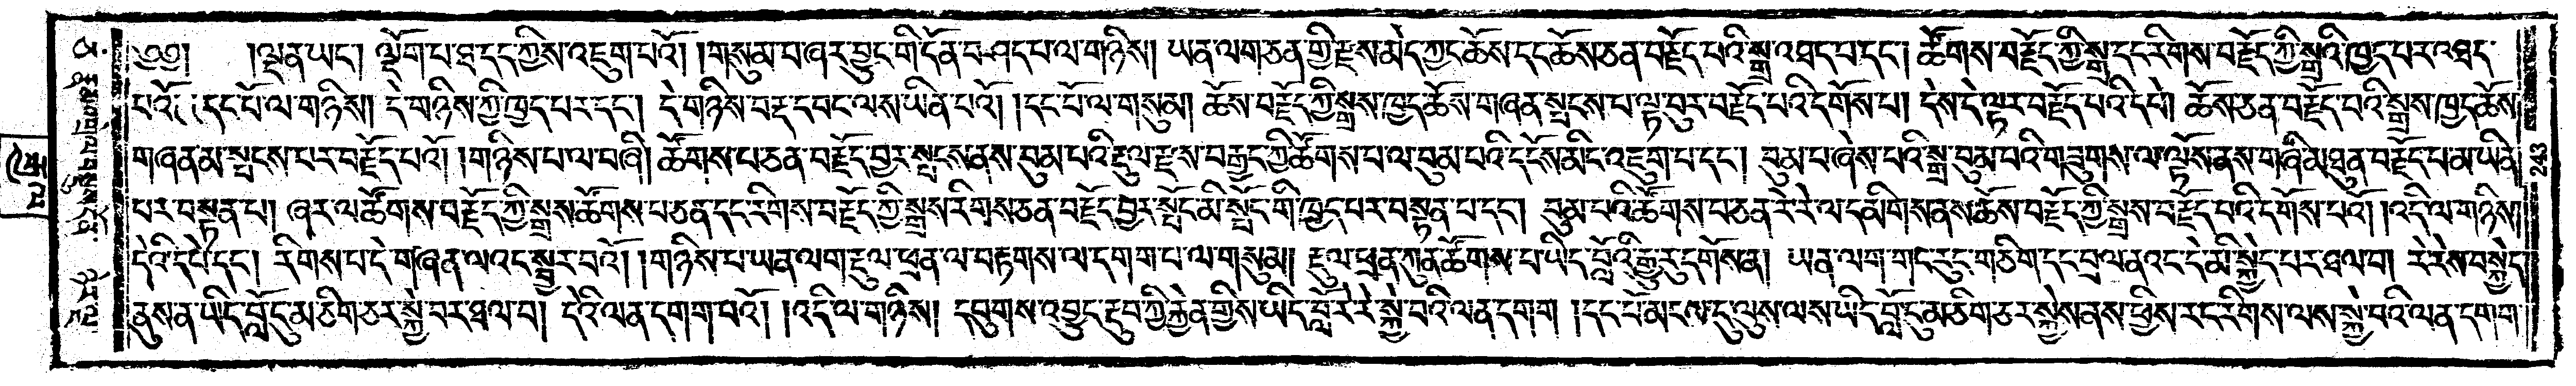༄༅། །ལྡན་ཡང་། ལྡོག་པ་ཐ་དད་ཀྱིས་འཇུག་པའོ། །གསུམ་པ་ཞར་བྱུང་གི་དོན་བཤད་པ་ལ་གཉིས། ཡན་ལག་ཅན་གྱི་རྫས་མེད་ཀྱང་ཆོས་དང་ཆོས་ཅན་བརྗོད་པའི་སྒྲ་འཐད་པ་དང་། ཚོགས་བརྗོད་ཀྱི་སྒྲ་དང་རིགས་བརྗོད་ཀྱི་སྒྲའི་ཁྱད་པར་འཐད་
པའོ། །དང་པོ་ལ་གཉིས། དེ་གཉིས་ཀྱི་ཁྱད་པར་དང་། དེ་གཉིས་བརྡ་དབང་ལས་ཡིན་པའོ། །དང་པོ་ལ་གསུམ། ཆོས་བརྗོད་ཀྱི་སྒྲས་ཁྱད་ཆོས་གཞན་སྤངས་པ་ལྟ་བུར་བརྗོད་པའི་དགོས་པ། དེས་དེ་ལྟར་བརྗོད་པའི་དཔེ། ཆོས་ཅན་བརྗོད་པའི་སྒྲས་ཁྱད་ཆོས་
གཞན་མ་སྤངས་པར་བརྗོད་པའོ། །གཉིས་པ་ལ་བཞི། ཚོགས་པ་ཅན་བརྗོད་བྱར་སྤངས་ནས་བུམ་པའི་རྡུལ་རྫས་བརྒྱད་ཀྱི་ཚོགས་པ་ལ་བུམ་པའི་དངོས་མིང་འཇུག་པ་དང་། བུམ་པ་ཞེས་པའི་སྒྲ་བུམ་པའི་གཟུགས་ལ་ལྟོས་ནས་གཞི་མཐུན་བརྗོད་པ་མ་ཡིན་
པར་བསྟན་པ། ཞར་ལ་ཚོགས་བརྗོད་ཀྱི་སྒྲས་ཚོགས་པ་ཅན་དང་རིགས་བརྗོད་ཀྱི་སྒྲས་རིགས་ཅན་བརྗོད་བྱར་སྤོང་མི་སྤོང་གི་ཁྱད་པར་བསྟན་པ་དང་། བུམ་པའི་ཚོགས་པ་ཅན་རེ་རེ་ལ་དམིགས་ནས་ཆོས་བརྗོད་ཀྱི་སྒྲས་བརྗོད་པའི་དགོས་པའོ། །འདི་ལ་གཉིས།
དེའི་དཔེ་དང་། རིགས་པ་དེ་གཞན་ལའང་སྦྱར་བའོ། །གཉིས་པ་ཡན་ལག་རྡུལ་ཕྲན་ལ་བརྟགས་ལ་དགག་པ་ལ་གསུམ། རྡུལ་ཕྲན་ཀུན་ཚོགས་པ་ཡིད་བློའི་རྒྱུ་རུ་དགོས་ན། ཡན་ལག་གང་རུང་གཅིག་དང་བྲལ་ནའང་དེ་མི་སྐྱེད་པར་ཐལ་བ། རེ་རེས་བསྐྱེད་
ནུས་ན་ཡིད་བློ་དུ་མ་ཅིག་ཅར་སྐྱེ་བར་ཐལ་བ། དེའི་ལན་དགག་པའོ། །འདི་ལ་གཉིས། དབུགས་འབྱུང་རྔུབ་ཀྱི་རྐྱེན་གྱིས་ཡིད་བློ་རེ་རེ་སྐྱེ་བའི་ལན་དགག །དང་པོ་མངལ་དུ་ལུས་ལས་ཡིད་བློ་དུ་མ་ཅིག་ཅར་སྐྱེས་ནས་ཕྱིས་རང་རིགས་ལས་སྐྱེ་བའི་ལན་དགག་